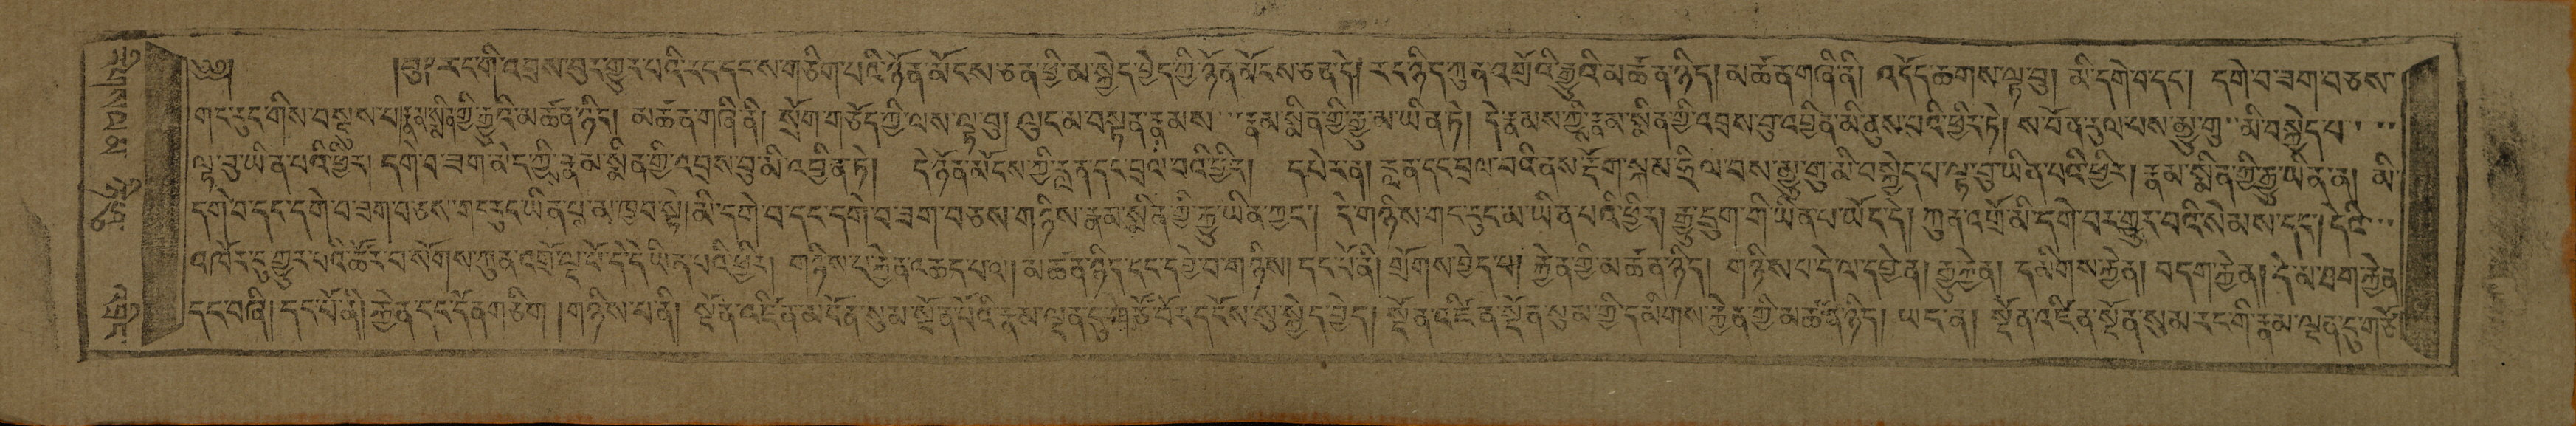༄༅། །བུ༑ རང་གི་འབྲས་བུར་གྱུར་པའི་རང་དང་ས་གཅིག་པའི་ཉོན་མོངས་ཅན་ཕྱི་མ་སྐྱེད་བྱེད་ཀྱི་ཉོན་མོངས་ཅན་དེ། རང་ཉིད་ཀུན་འགྲོའི་རྒྱུའི་མཚན་ཉིད། མཚན་གཞི་ནི། འདོད་ཆགས་ལྟ་བུ། མི་དགེ་བ་དང་། དགེ་བ་ཟག་བཅས་
གང་རུང་གིས་བསྡུས་པ། རྣམ་སྨིན་གྱི་རྒྱུའི་མཚན་ཉིད། མཚན་གཞི་ནི། སྲོག་གཅོད་ཀྱི་ལས་ལྟ་བུ། ལུང་མ་བསྟན་རྣམས་རྣམ་སྨིན་གྱི་རྒྱུ་མ་ཡིན་ཏེ། དེ་རྣམས་ཀྱིས་རྣམ་སྨིན་གྱི་འབྲས་བུ་འབྱིན་མི་ནུས་པའི་ཕྱིར་ཏེ། ས་བོན་རུལ་པས་མྱུ་གུ་མི་བསྐྱེད་པ་
ལྟ་བུ་ཡིན་པའི་ཕྱིར། དགེ་བ་ཟག་མེད་ཀྱིས་རྣམ་སྨིན་གྱི་འབྲས་བུ་མི་འབྱིན་ཏེ། དེ་ཉོན་མོངས་ཀྱི་རླན་དང་བྲལ་བའི་ཕྱིར། དཔེར་ན། རླན་དང་བྲལ་བའི་ནས་རྡོག་སྐམ་ཧྲིལ་བས་མྱུ་གུ་མི་བསྐྱེད་པ་ལྟ་བུ་ཡིན་པའི་ཕྱིར། རྣམ་སྨིན་གྱི་རྒྱུ་ཡིན་ན། མི་
དགེ་བ་དང་དགེ་བ་ཟག་བཅས་གང་རུང་ཡིན་པས་མ་ཁྱབ་སྟེ། མི་དགེ་བ་དང་དགེ་བ་ཟག་བཅས་གཉིས་རྣམ་སྨིན་གྱི་རྒྱུ་ཡིན་ཀྱང་། དེ་གཉིས་གང་རུང་མ་ཡིན་པའི་ཕྱིར། རྒྱུ་དྲུག་གི་ཡིན་པ་ཡོད་དེ། ཀུན་འགྲོ་མི་དགེ་བར་གྱུར་བའི་སེམས་དང་། དེའི་
འཁོར་དུ་གྱུར་པའི་ཚོར་བ་སོགས་ཀུན་འགྲོ་ལྔ་པོ་དེ་དེ་ཡིན་པའི་ཕྱིར། གཉིས་པ་རྐྱེན་འཆད་པ་ལ། མཚན་ཉིད་དང་དབྱེ་བ་གཉིས། དང་པོ་ནི། གྲོགས་བྱེད་པ། རྐྱེན་གྱི་མཚན་ཉིད། གཉིས་པ་དེ་ལ་དབྱེ་ན། རྒྱུ་རྐྱེན། དམིགས་རྐྱེན། བདག་རྐྱེན། དེ་མ་ཐག་རྐྱེན་
དང་བཞི། དང་པོ་ནི། རྐྱེན་དང་དོན་གཅིག །གཉིས་པ་ནི། སྔོན་འཛིན་མངོན་སུམ་སྔོན་པོའི་རྣམ་ལྡན་དུ་གཙོ་བོར་དངོས་སུ་སྐྱེད་བྱེད། སྔོན་འཛིན་སྔོན་སུམ་གྱི་དམིགས་རྐྱེན་གྱི་མཚན་ཉིད། ཡང་ན། སྔོན་འཛིན་སྔོན་སུམ་རང་གི་རྣམ་ལྡན་དུ་གཙོ་